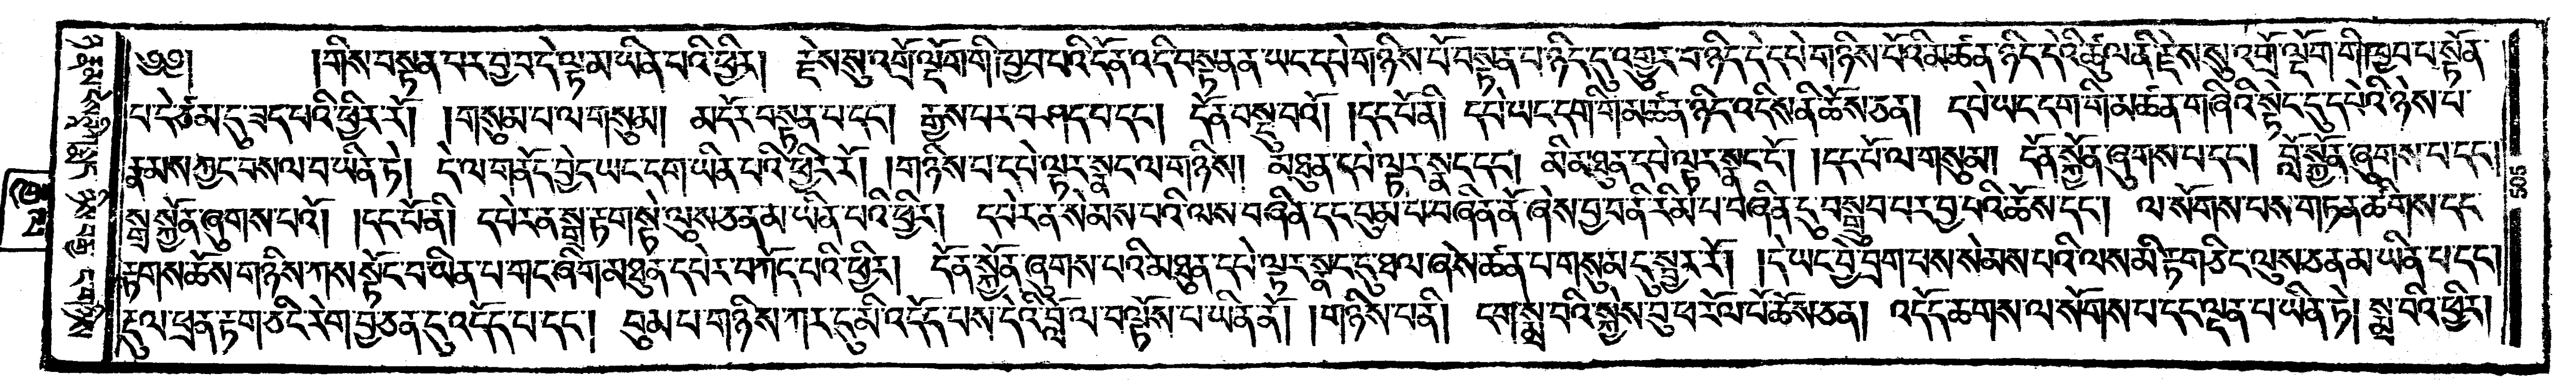༄༅། །གིས་བསྟན་པར་བྱ་བ་དེ་ལྟ་མ་ཡིན་པའི་ཕྱིར། རྗེས་སུ་འགྲོ་ལྡོག་གི་ཁྱབ་པའི་དོན་འདི་བསྟན་ན་ཡང་དཔེ་གཉིས་པོ་བསྟན་པ་ཉིད་དུ་འགྱུར་བ་ཉིད་དེ་དཔེ་གཉིས་པོའི་མཚན་ཉིད་དེའི་ཚུལ་ནི་རྗེས་སུ་འགྲོ་ལྡོག་གི་ཁྱབ་པ་སྟོན་
པ་དེ་ཙམ་དུ་ཟད་པའི་ཕྱིར་རོ། །གསུམ་པ་ལ་གསུམ། མདོར་བསྟན་པ་དང་། རྒྱས་པར་བཤད་པ་དང་། དོན་བསྡུ་བའོ། །དང་པོ་ནི། དཔེ་ཡང་དག་གི་མཚན་ཉིད་འདིས་ནི་ཆོས་ཅན། དཔེ་ཡང་དག་གི་མཚན་གཞིའི་སྟེང་དུ་དཔེའི་ཉེས་པ་
རྣམས་ཀྱང་བསལ་བ་ཡིན་ཏེ། དེ་ལ་གནོད་བྱེད་ཡང་དག་ཡིན་པའི་ཕྱིར་རོ། །གཉིས་པ་དཔེ་ལྟར་སྣང་ལ་གཉིས། མཐུན་དཔེ་ལྟར་སྣང་དང་། མི་མཐུན་དཔེ་ལྟར་སྣང་ངོ། །དང་པོ་ལ་གསུམ། དོན་སྐྱོན་ཞུགས་པ་དང་། བློ་སྐྱོན་ཞུགས་པ་དང་།
སྒྲ་སྐྱོན་ཞུགས་པའོ། །དང་པོ་ནི། དཔེར་ན་སྒྲ་རྟག་སྟེ་ལུས་ཅན་མ་ཡིན་པའི་ཕྱིར། དཔེར་ན་སེམས་པའི་ལས་བཞིན་དང་བུམ་པ་བཞིན་ནོ་ཞེས་བྱ་བ་ནི་རིམ་པ་བཞིན་དུ་བསྒྲུབ་པར་བྱ་བའི་ཆོས་དང་། ལ་སོགས་པས་གཏན་ཚིགས་དང་
རྟགས་ཆོས་གཉིས་ཀས་སྟོང་པ་ཡིན་པ་གང་ཞིག་མཐུན་དཔེར་བཀོད་པའི་ཕྱིར། དོན་སྐྱོན་ཞུགས་པའི་མཐུན་དཔེ་ལྟར་སྣང་དུ་ཐལ་ཞེས་ཚན་པ་གསུམ་དུ་སྦྱར་རོ། །དེ་ཡང་བྱེ་བྲག་པས་སེམས་པའི་ལས་མི་རྟག་ཅིང་ལུས་ཅན་མ་ཡིན་པ་དང་
རྡུལ་ཕྲན་རྟག་ཅིང་རེག་བྱ་ཅན་དུ་འདོད་པ་དང་། བུམ་པ་གཉིས་ཀར་དུ་མི་འདོད་པས་དེའི་བློ་ལ་བལྟོས་པ་ཡིན་ནོ། །གཉིས་པ་ནི། ངག་སྨྲ་བའི་སྐྱེས་བུ་ཕ་རོལ་པོ་ཆོས་ཅན། འདོད་ཆགས་ལ་སོགས་པ་དང་ལྡན་པ་ཡིན་ཏེ། སྨྲ་བའི་ཕྱིར།